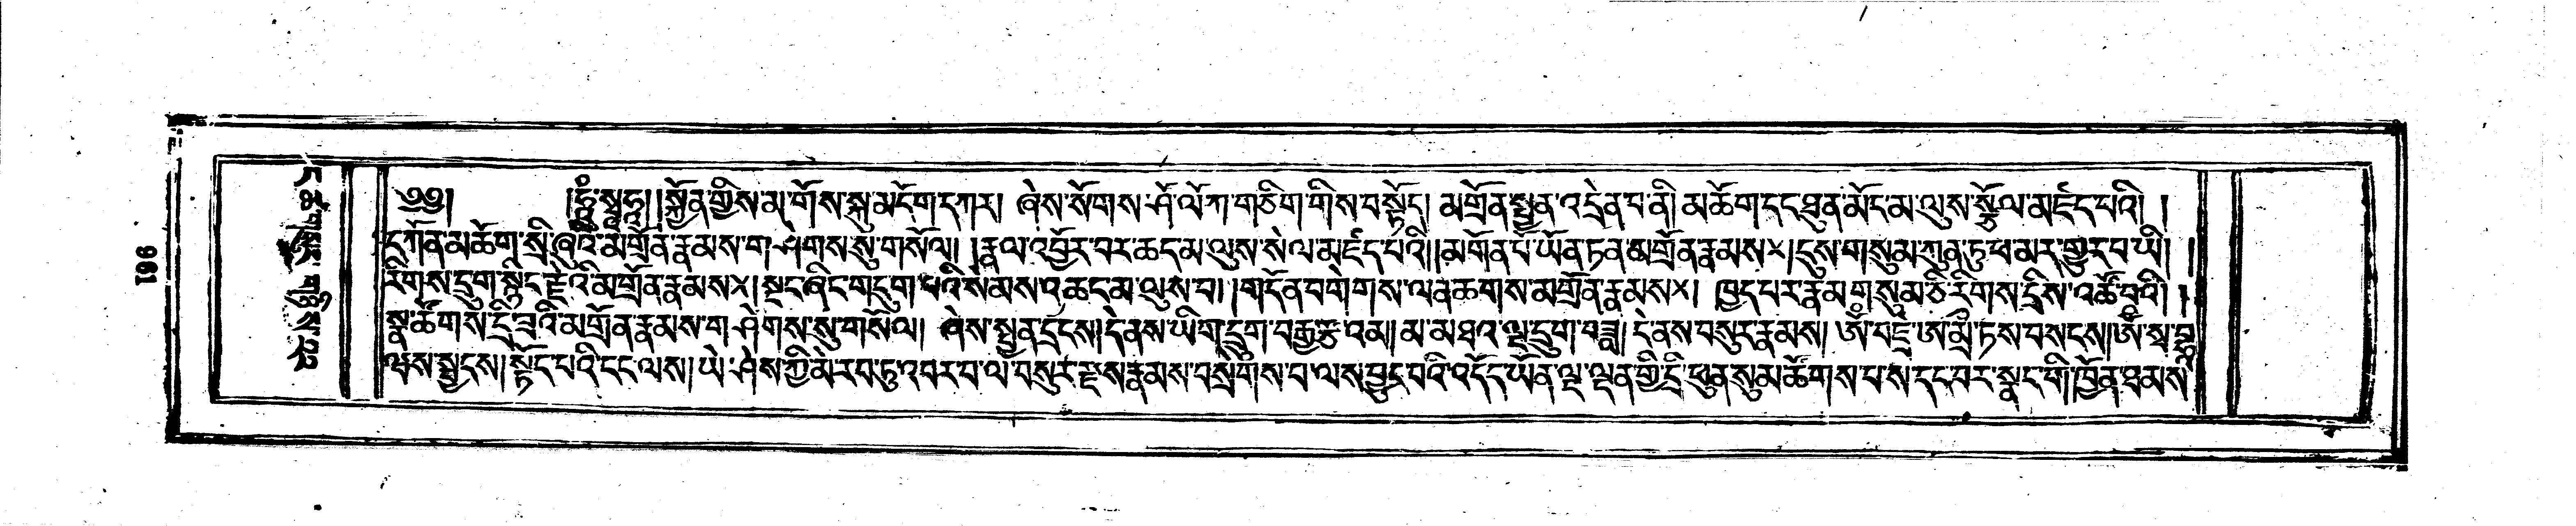༄༅། །ཧཱུཾ་སྭཱཧཱ། །སྐྱོན་གྱིས་མ་གོས་སྐུ་མདོག་དཀར། ཞེས་སོགས་ཤོ་ལོ་ཀ་གཅིག་གིས་བསྟོད། མགྲོན་སྤྱན་འདྲེན་པ་ནི། མཆོག་དང་ཐུན་མོང་མ་ལུས་སྩོལ་མཛད་པའི། །
དཀོན་མཆོག་སྲི་ཞུའི་མགྲོན་རྣམས་གཤེགས་སུ་གསོལ། །རྣལ་འབྱོར་བར་ཆད་མ་ལུས་སེལ་མཛད་པའི། །མགོན་པོ་ཡོན་ཏན་མགྲོན་རྣམས་྾། དུས་གསུམ་ཀུན་ཏུ་ཕ་མར་གྱུར་པ་ཡི། །
རིགས་དྲུག་སྙིང་རྗེའི་མགྲོན་རྣམས་྾། སྡང་ཞིང་གདུག་པའི་སེམས་འཆང་མ་ལུས་པ། །གདོན་བགེགས་ལན་ཆགས་མགྲོན་རྣམས་྾། ཁྱད་པར་རྣམ་གསུམ་ཅི་རིགས་དྲིས་འཚོ་བའི། །
སྣ་ཚོགས་དྲི་ཟའི་མགྲོན་རྣམས་གཤེགས་སུ་གསོལ། ཞེས་སྤྱན་དྲངས། དེ་ནས་ཡིག་དྲུག་བརྒྱ་རྩའམ། མ་མཐའ་ལྔ་དྲུག་བཟླ། དེ་ནས་བསུར་རྣམས། ཨོཾ་བཛྲ་ཨ་མྲྀ་ཏས་བསངས། ཨོཾ་སྭ་བྷཱ་
ཝས་སྦྱངས། སྟོང་པའི་ངང་ལས། ཡེ་ཤེས་ཀྱི་མེ་རབ་ཏུ་འབར་བ་ལ་བསུར་རྫས་རྣམས་བསྲེགས་པ་ལས་བྱུང་བའི་འདོད་ཡོན་ལྔ་ལྡན་གྱི་དྲི་ཕུན་སུམ་ཚོགས་པ་ས་དང་བར་སྣང་གི་ཁྱོན་ཐམས་